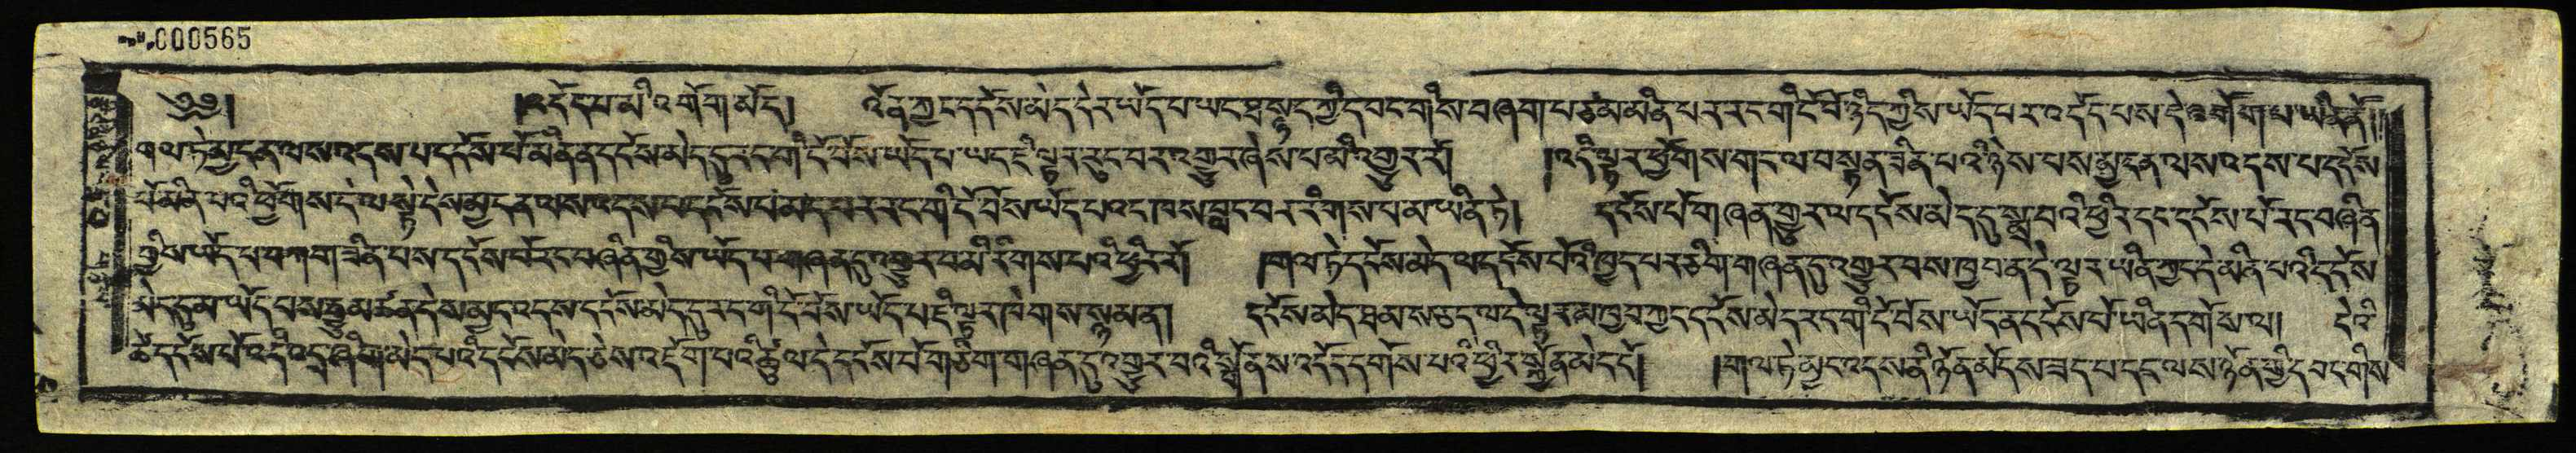༄༅། །འདོད་པ་མི་འགོག་མོད། འོན་ཀྱང་དངོས་མེད་དེར་ཡོད་པ་ཡང་ཐ་སྙད་ཀྱི་དབང་གིས་བཞག་པ་ཙམ་མིན་པར་རང་གི་ངོ་བོ་ཉིད་ཀྱིས་ཡོད་པར་འདོད་པས་དེ་འགོག་པ་ཡིན་ནོ།།
གལ་ཏེ་མྱ་ངན་ལས་འདས་པ་དངོས་པོ་མིན་ན་དངོས་མེད་དུ་རང་གི་ངོ་བོས་ཡོད་པ་ཡང་ཇི་ལྟར་རུང་བར་འགྱུར་ཞེས་པ་མི་འགྱུར་རོ། །འདི་ལྟར་ཕྱོགས་གང་ལ་བསྟན་ཟིན་པའི་ཉེས་པས་མྱ་ངན་ལས་འདས་པ་དངོས་
པོ་མིན་པའི་ཕྱོགས་དེ་ལ་སྟེ་དེས་མྱ་ངན་ལས་འདས་པ་དངོས་པོ་མེད་པར་རང་གི་ངོ་བོས་ཡོད་པའང་ཁས་བླང་བར་རིགས་པ་མ་ཡིན་ཏེ། དངོས་པོ་གཞན་གྱུར་ལ་དངོས་མེད་དུ་སྨྲ་བའི་ཕྱིར་དང་དངོས་པོ་རང་བཞིན་
གྱིས་ཡོད་པ་བཀག་ཟིན་པས་དངོས་པོ་རང་བཞིན་གྱིས་ཡོད་པ་གཞན་དུ་འགྱུར་བ་མི་རིགས་པའི་ཕྱིར་རོ། །གལ་ཏེ་དངོས་མེད་ལ་དངོས་པོའི་ཁྱད་པར་ཅིག་གཞན་དུ་འགྱུར་བས་ཁྱབ་ན་དེ་ལྟར་ཡིན་ཀྱང་དེ་མིན་པའི་དངོས་
མེད་དུ་མ་ཡོད་པས་རྒྱུ་མཚན་དེས་མྱང་འདས་དངོས་མེད་དུ་རང་གི་ངོ་བོས་ཡོད་པ་ཇི་ལྟར་ཁེགས་སྙམ་ན། དངོས་མེད་ཐམས་ཅད་ལ་དེ་ལྟར་མ་ཁྱབ་ཀྱང་དངོས་མེད་རང་གི་ངོ་བོས་ཡོད་ན་དངོས་པོ་ཡིན་དགོས་ལ། དེའི་
ཚེ་དངོས་པོ་འདི་འདྲ་ཞིག་མེད་པའི་དངོས་མེད་ཅེས་འཇོག་པའི་ཚུལ་དེ་དངོས་པོ་གཅིག་གཞན་དུ་འགྱུར་བའི་སྒོ་ནས་འདོད་དགོས་པའི་ཕྱིར་སྐྱོན་མེད་དོ། །གལ་ཏེ་མྱང་འདས་ནི་ཉོན་མོངས་ཟད་པ་དང་ལས་ཉོན་གྱི་དབང་གིས་